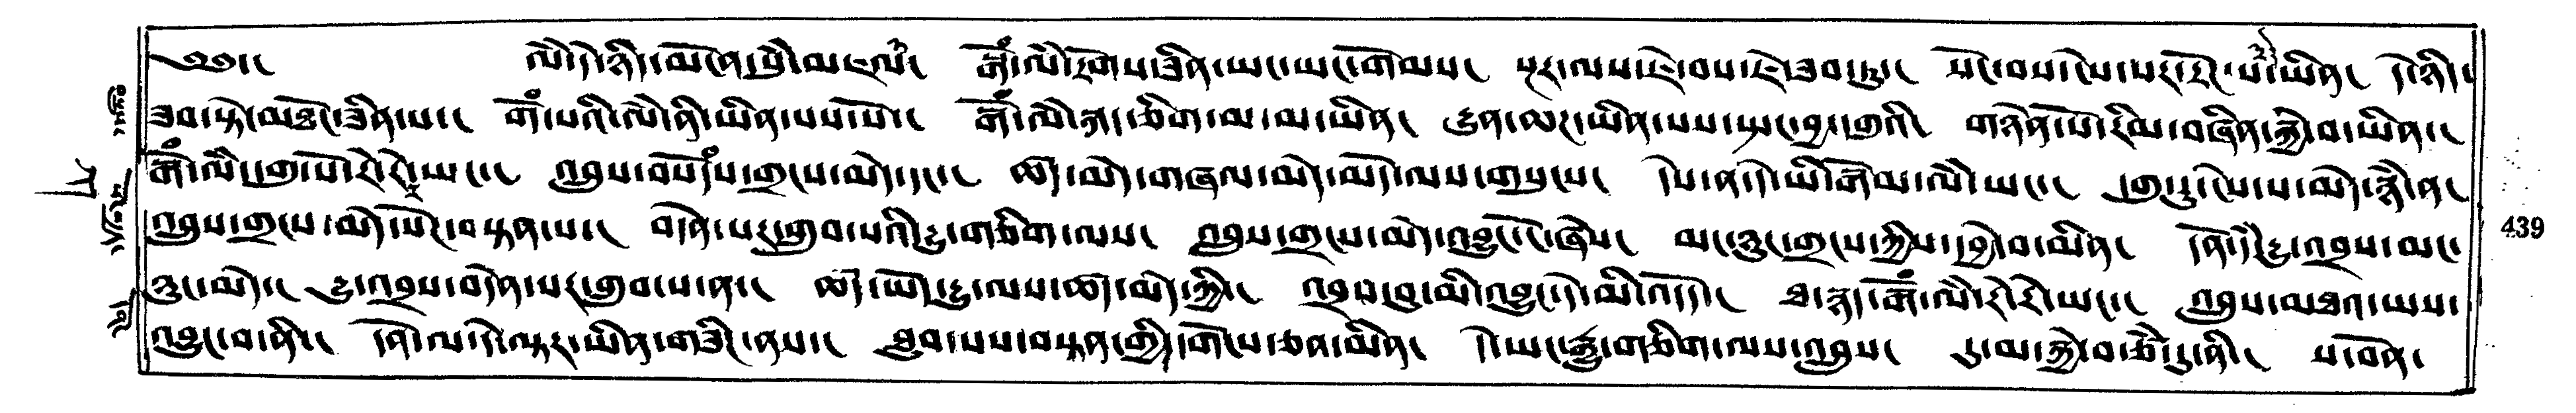ལམ་དེ་ཉིད་མངོན་སུམ་མཇལ། །སྒོམ་ལམ་རྟོགས་ཟིན་ཡང་ཡང་གོམས། །སྔར་ལས་ཇེ་བས་ཇེ་ཟབ་ཏུ། །སོང་བས་ངེས་པར་རྟོགས་པ་ཡིན། །དེ་ཉིད་
ཟབ་སྟེ་མཐོང་ཟིན་པ། །གོམ་པའི་ལམ་ནི་ཡིན་པས་སོ། །སྒོམ་ལམ་སྐད་ཅིག་མ་མ་ཡིན། །རྒྱུན་ཆགས་ཡིན་པས་སྤང་བྱ་དགུའི། །གཉེན་པོ་རིམ་བཞིན་སྐྱེ་བ་ཡིན། །
སྒོམ་ལམ་དགུ་པོ་རེ་རེ་ཡང་། །འབྲས་བུ་བསོད་ནམས་གྲངས་མེད་དང་། །ཚད་མེད་གཞལ་མེད་མདོ་ལས་གསུངས། །དེས་ན་དེ་ཡི་སྒོམ་ལམ་ཡང་། །དགུ་རུ་ངེས་པ་མེད་སྙམ་ན། །
འབྲས་བུ་གྲངས་མེད་སོགས་བསྟན་པ། །བདེན་པར་གྲུབ་པའི་རྒྱུ་གཅིག་ལས། །འབྲས་བུ་གྲངས་མེད་འབྱུང་ངོ་ཞེས། །མང་ཉུང་གྲངས་ཀྱིས་དབྱེ་བ་མིན། །དོན་དམ་རྒྱུ་འབྲས་མང་
ཉུང་མེད། །རྒྱུ་འབྲས་བདེན་པར་གྲུབ་པ་ན། །ཚད་ཡོད་རྒྱུ་ལས་ཚད་མེད་ཀྱི། །འབྲས་བུ་མི་འབྱུང་དེ་མི་འདོད། །ཐ་སྙད་སྒོམ་ལམ་རེ་རེ་ཡང་། །འབྲས་བུ་མཐའ་ཡས་
འབྱུང་བ་ནི། །དོན་ལ་དེ་ལྟར་ཡིན་གཟིགས་ནས། །ཐུབ་པས་བསྟན་གྱི་དགོངས་ཅན་མིན། །དེ་ཡང་རྒྱུ་གཅིག་ལས་འབྲས་བུ། །དུ་མ་སྐྱེ་བ་ཙམ་དུ་ནི། །ས་བོན་